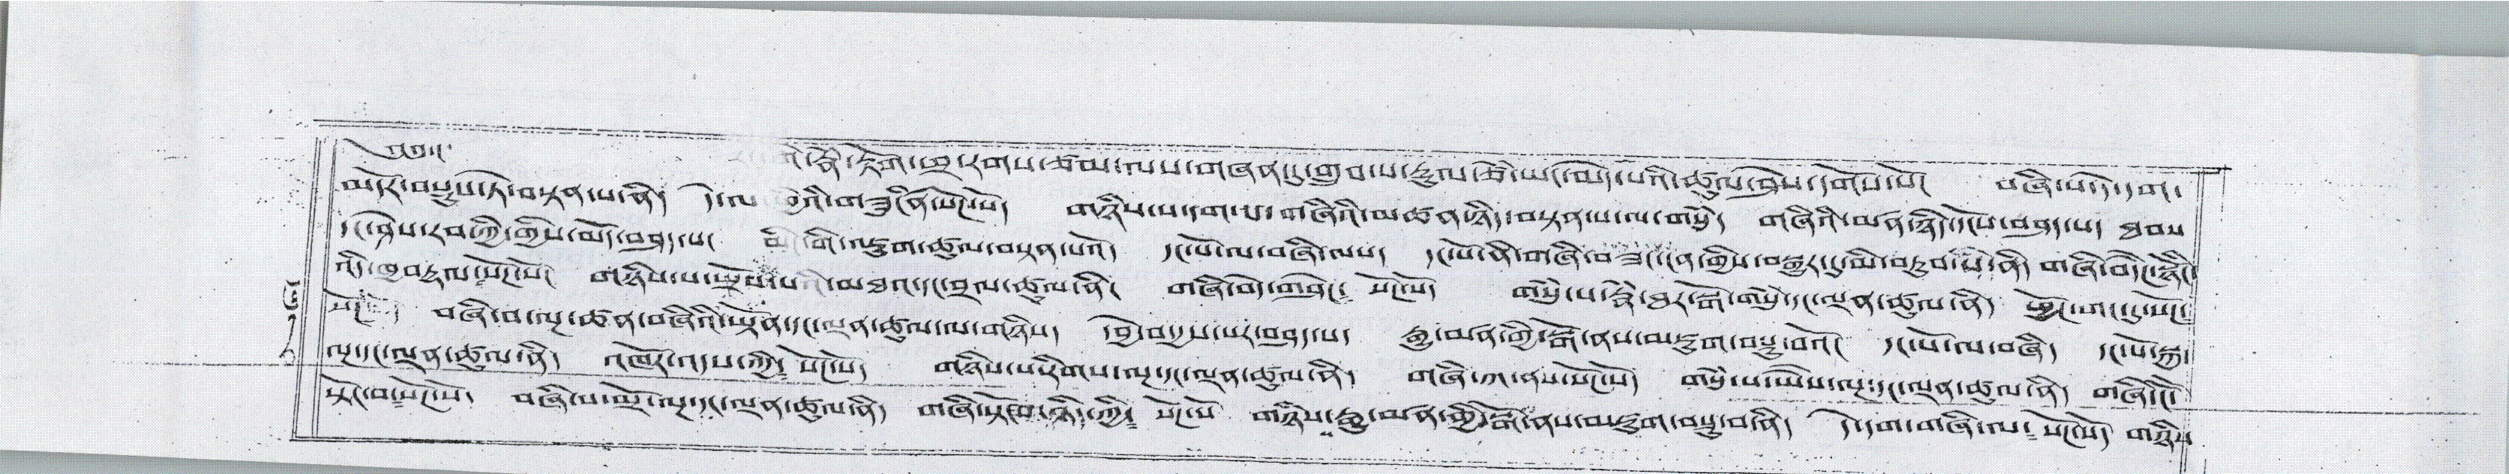རྣམ་རྟོག་ཕྲ་རགས་ཙམ་ལས་གཞན་དུ་གྲུབ་པ་རྡུལ་ཙམ་ཡང་མེད་པའི་ཚུལ་ཤེས་དགོས་སོ། བཞི་པ་དེ་དག་
མདོར་བསྡུས་ཏེ་བསྟན་པ་ལ། དེ་ལ་ཕྱིའི་གཟུང་འཛིན་སོགས་སོ། གཉིས་པ་དག་པ་གཞིའི་མཚན་ཉིད་བསྟན་པ་ལ་གསུམ། གཞིའི་མཚན་ཉིད་དངོས་བཤད་པ། ཐབས་
དང་ཤེས་རབ་ཀྱིས་མདོ་བཤད་པ། མིང་གི་འཇུག་ཚུལ་བསྟན་པའོ། དང་པོ་ལ་བཞི་ལས། དང་པོ་ནི་གཞི་བཟང་ངན་གྱིས་བསྒྱུར་དུ་མི་བཏུབ་པ་ནི། གཞི་བདེར་གཤེགས་སྙིང་པོ་
འདི་ཁྱབ་བརྡལ་སོགས་སོ། གཉིས་པ་སྤྲོས་པའི་མཐའ་དང་བྲལ་ཚུལ་ནི། གཞི་བདེར་གཤེགས་སོགས་སོ། གསུམ་པ་རྣམ་ཐར་སྒོ་གསུམ་དང་ལྡན་ཚུལ་ནི། ཕྱོགས་གང་དུ་སོགས་
སོ། བཞི་པ་ལྔ་ཚན་བཞིའི་ཡོན་ཏན་དང་ལྡན་ཚུལ་ལ་གཉིས། དབྱེ་བ་རྒྱས་པར་བཤད་པ། རྒྱུ་མཚན་གྱི་སྒོ་ནས་མཇུག་བསྡུ་བའོ། དང་པོ་ལ་བཞི། དང་པོ་སྐུ་
ལྔ་དང་ལྡན་ཚུལ་ནི། འཁོར་འདས་ཀྱི་སོགས་སོ། གཉིས་པ་རིགས་ལྔ་དང་ལྡན་ཚུལ་ནི། གཞི་ཀ་ནས། སོགས་སོ། གསུམ་པ་ཡེ་ཤེས་ལྔ་དང་ལྡན་ཚུལ་ནི། གཞི་ངོ་བོ་
སྟོང་པ་སོགས་སོ། བཞི་པ་མཁའ་འགྲོ་ལྔ་དང་ལྡན་ཚུལ་ནི། གཞི་སྟོང་པ་ཉིད་ཀྱི་སོགས་སོ། གཉིས་པ་རྒྱུ་མཚན་གྱི་སྒོ་ནས་མཇུག་བསྡུ་བ་ནི། དེ་དག་གཞི་ལ་སོགས་སོ། གཉིས་